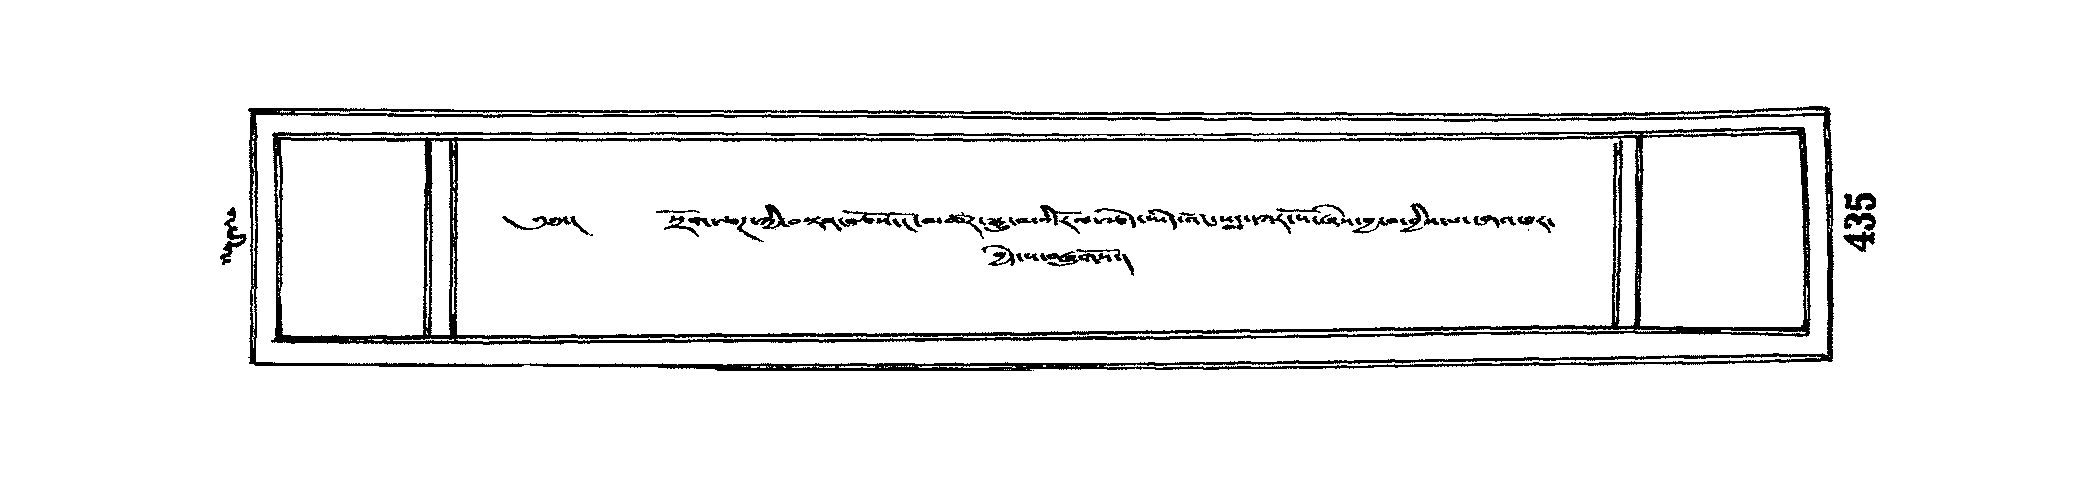༄༅། སྲོག་ཆགས་ཀྱི་བསྟན་བཅོས་ངོ་མཚར་སྒྱུ་མའི་རོལ་རྩེད་ཡིད་འོང་པདྨ་དཀར་པོ་ཞེས་བྱ་བ་བྱིས་པ་དགའ་བར་
བྱེད་པ་བཞུགས་སོ།།